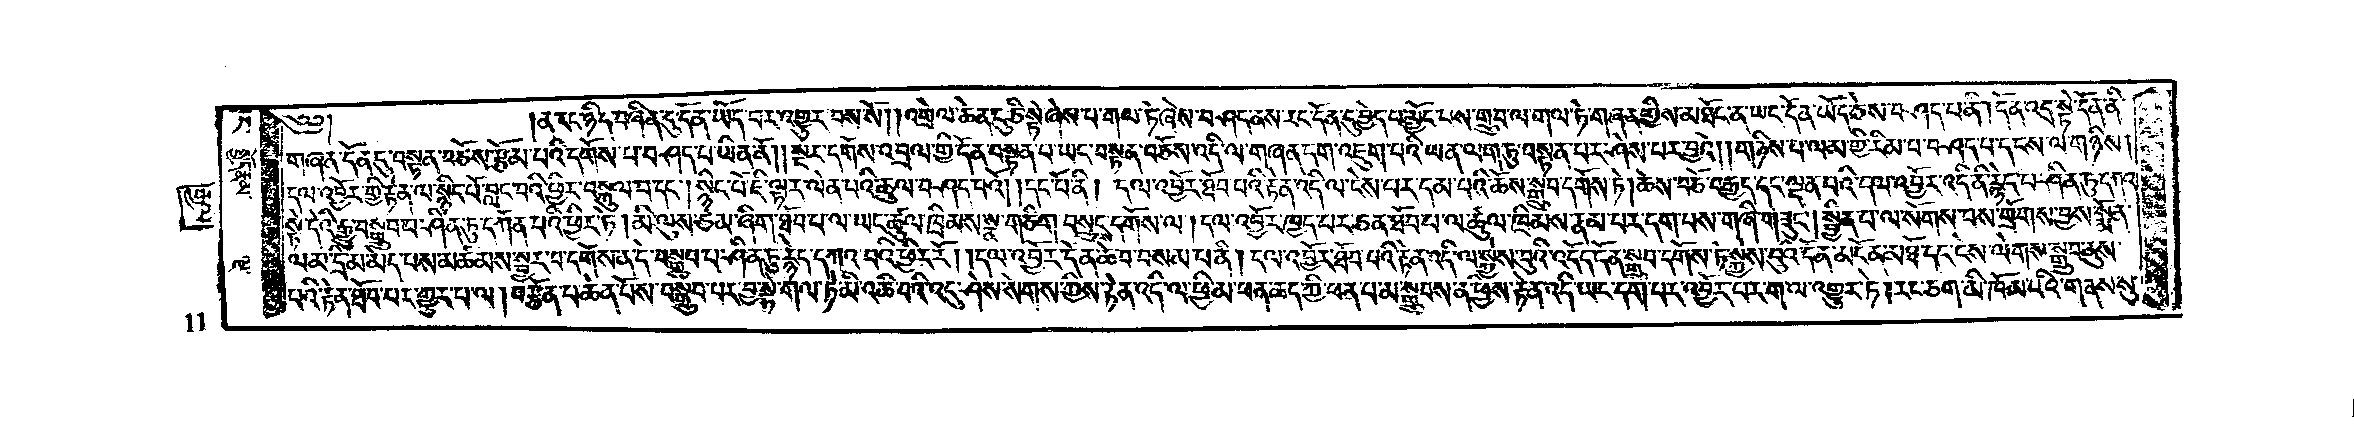༄༅། །ན་རང་ཉིད་བཞིན་དུ་དོན་ཡོད་པར་འགྱུར་བས་སོ། །འགྲེལ་ཆེན་དུ་ཅི་སྟེ་ཞེས་པ་གལ་ཏེ་ཞེས་བཤད་ནས་རང་དོན་དུ་བྱེད་པ་མྱོང་བས་གྲུབ་ལ་གལ་ཏེ་གཞན་གྱིས་མཐོང་ན་ཡང་དོན་ཡོད་ཅེས་བཤད་པ་ནི། དོན་འདྲ་སྟེ་དོན་ནི་
གཞན་དོན་དུ་བསྟན་བཅོས་རྩོམ་པའི་དགོས་པ་བཤད་པ་ཡིན་ནོ། །སྔར་དགོས་འབྲལ་གྱི་དོན་བསྟན་པ་ཡང་བསྟན་བཅོས་འདི་ལ་གཞན་དག་འཇུག་པའི་ཡན་ལག་ཏུ་བསྟན་པར་ཤེས་པར་བྱའོ། །གཉིས་པ་ལམ་གྱི་རིམ་པ་བཤད་པ་དངས་ལ་གཉིས།
དལ་འབྱོར་གྱི་རྟེན་ལ་སྙིང་པོ་བླང་བའི་ཕྱིར་བསྐུལ་བ་དང་། སྙིང་པོ་ཇི་ལྟར་ལེན་པའི་ཚུལ་བཤད་པའོ། །དང་པོ་ནི། དལ་འབྱོར་ཐོབ་པའི་རྟེན་འདི་ལ་ངེས་པར་དམ་པའི་ཆོས་སྒྲུབ་དགོས་ཏེ། ཆོས་བཅོ་བརྒྱད་དང་ལྡན་པའི་དལ་འབྱོར་འདི་ནི་རྙེད་པ་ཤིན་ཏུ་དཀའ་
སྟེ་དེའི་རྒྱུ་བསྒྲུབ་པ་ཤིན་ཏུ་དཀོན་པའི་ཕྱིར་ཏེ། མི་ལུས་ཙམ་ཞིག་ཐོབ་པ་ལ་ཡང་ཚུལ་ཁྲིམས་སྣ་གཅིག་བསྲུངས་དགོས་ལ། དལ་འབྱོར་ཁྱད་པར་ཅན་ཐོབ་པ་ལ་ཚུལ་ཁྲིམས་རྣམ་པར་དག་པས་གཞི་གཟུང་། སྦྱིན་པ་ལ་སོགས་པས་གྲོགས་བྱས་སྨོན་
ལམ་དྲི་མ་མེད་པས་མཚམས་སྦྱར་བ་དགོས་ན་དེ་བསྒྲུབ་པ་ཤིན་ཏུ་རྙེད་དཀའ་བའི་ཕྱིར་རོ། །དལ་འབྱོར་དོན་ཆེ་བ་བསམ་པ་ནི། དལ་འབྱོར་ཐོབ་པའི་རྟེན་འདི་ལ་སྐྱེས་བུའི་འདོད་དོན་སྒྲུབ་དགོས་ཏེ་སྐྱེས་བུའི་དོན་མངོན་མཐོ་དང་ངེས་ལེགས་སྒྲུབ་ནུས་
པའི་རྟེན་ཐོབ་པར་གྱུར་པ་ལ། བརྩོན་པ་ཆེན་པོས་བསྒྲུབ་པར་བྱ་སྟེ་གལ་ཏེ་མི་འཆི་བའི་འདུ་ཤེས་སོགས་ཀྱིས་རྟེན་འདི་ལ་ཕྱི་མ་ཕན་ཆད་ཀྱི་ཕན་པ་མ་སྒྲུབས་ན་ཕྱིས་རྟེན་འདི་ཡང་དགེ་བར་འབྱོར་པར་གལ་ལ་འགྱུར་ཏེ། རང་ཅག་མི་ཁོམ་པའི་གནས་སུ་